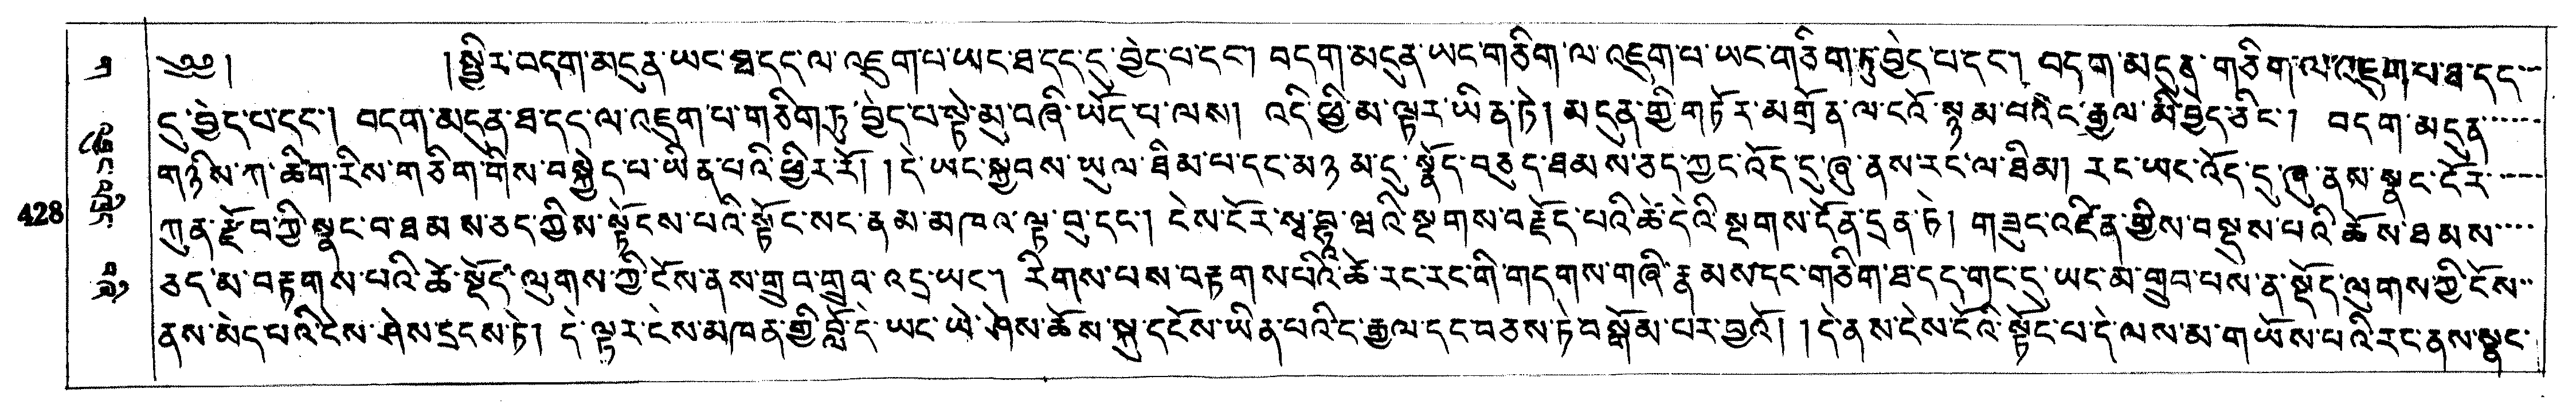༄༅། །སྤྱིར་བདག་མདུན་ཡང་ཐ་དད་ལ་འཇུག་པ་ཡང་ཐ་དད་དུ་བྱེད་པ་དང་། བདག་མདུན་ཡང་གཅིག་ལ་འཇུག་པ་ཡང་གཅིག་ཏུ་བྱེད་པ་དང་། བདག་མདུན་གཅིག་ལ་འཇུག་པ་ཐ་དད་
དུ་བྱེད་པ་དང་། བདག་མདུན་ཐ་དད་ལ་འཇུག་པ་གཅིག་ཏུ་བྱེད་པ་སྟེ་མུ་བཞི་ཡོད་པ་ལས། འདི་ཕྱི་མ་ལྟར་ཡིན་ཏེ། མདུན་གྱི་གཏོར་མགྲོན་ལ་ངའོ་སྙམ་པའི་ང་རྒྱལ་མི་བྱེད་ཅིང་། བདག་མདུན་
གཉིས་ཀ་ཚིག་རིས་གཅིག་གིས་བསྐྱེད་པ་ཡིན་པའི་ཕྱིར་རོ། །དེ་ཡང་སྐྱབས་ཡུལ་ཐིམ་པ་དང་མཉམ་དུ་སྣོད་བཅུད་ཐམས་ཅད་ཀྱང་འོད་དུ་ཞུ་ནས་རང་ལ་ཐིམ། རང་ཡང་འོད་དུ་ཞུ་ནས་སྣང་ངོར་
ཀུན་རྫོབ་ཀྱི་སྣང་བ་ཐམས་ཅད་ཀྱིས་སྟོངས་པའི་སྟོང་སང་ནམ་མཁའ་ལྟ་བུ་དང་། ངེས་ངོར་སྭ་བྷཱ་ཝའི་སྔགས་བརྗོད་པའི་ཚེ་དེའི་སྔགས་དོན་དྲན་ཏེ། གཟུང་འཛིན་གྱིས་བསྡུས་པའི་ཆོས་ཐམས་ཅད་མ་བརྟགས་པའི་ཚེ་སྡོད་ལུགས་ཀྱི་ངོས་ནས་གྲུབ་གྲུབ་འདྲ་ཡང་། རིགས་པས་བརྟགས་པའི་ཚེ་རང་རང་གི་གདགས་གཞི་རྣམས་དང་གཅིག་ཐ་དད་གང་དུ་ཡང་མ་གྲུབ་པས་ན་སྡོད་ལུགས་ཀྱི་ངོས་
ནས་མེད་པའི་ངེས་ཤེས་དྲངས་ཏེ། དེ་ལྟར་ངེས་མཁན་གྱི་བློ་དེ་ཡང་ཡེ་ཤེས་ཆོས་སྐུ་དངོས་ཡིན་པའི་ང་རྒྱལ་དང་བཅས་ཏེ་བསྒོམ་པར་བྱའོ། །དེ་ནས་ངེས་ངོའི་སྟོང་པ་དེ་ལས་མ་གཡོས་པའི་རང་ནས་སྣང་